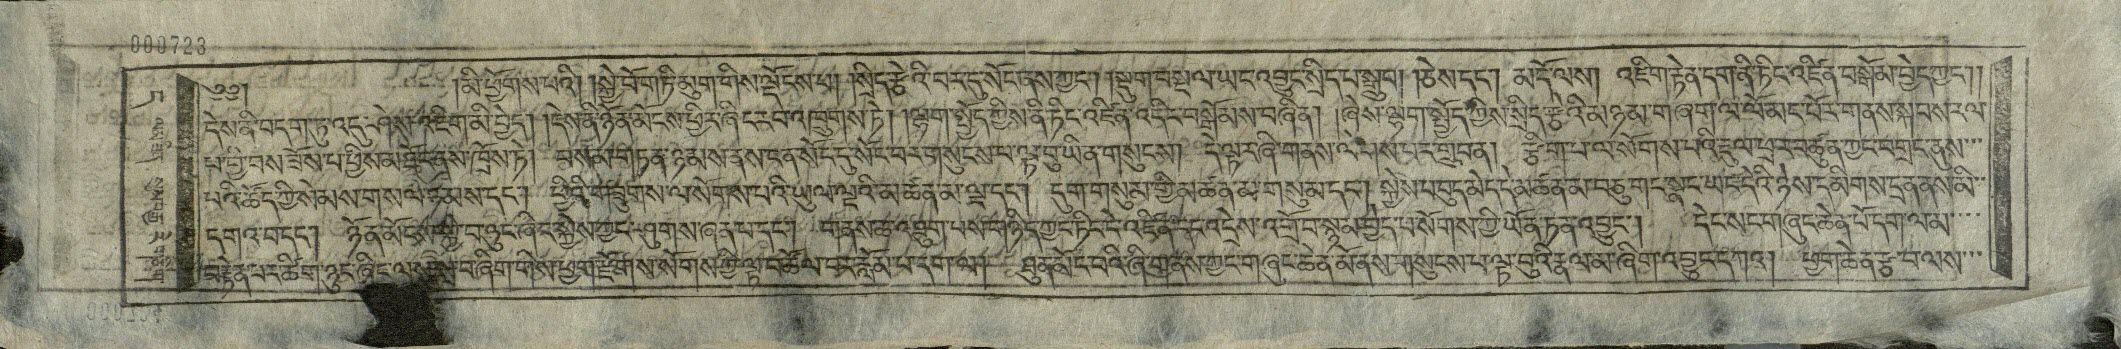༄༅། །མི་ཕྱོགས་པའི། །སྐྱེ་བོ་གཏི་མུག་གིས་ལྡོངས་པ། །སྲིད་རྩེའི་བར་དུ་སོང་ནས་ཀྱང་། །སྡུག་བསྔལ་ཡང་འབྱུང་སྲིད་པ་སྒྲུབ། །ཅེས་དང་། མདོ་ལས། འཇིག་རྟེན་དག་ནི་ཏིང་འཛིན་བསྒོམ་བྱེད་ཀྱང་། །
དེས་ནི་བདག་ཏུ་འདུ་ཤེས་འཇིག་མི་བྱེད། །དེས་ནི་ཉོན་མོངས་ཕྱིར་ཞིང་རབ་འཁྲུགས་ཏེ། །ལྷག་སྤྱོད་ཀྱིས་ནི་ཏིང་འཛིན་འདིར་བསྒོམས་བཞིན། །ཞེས་ལྷག་སྤྱོད་ཀྱིས་སྲིད་རྩེའི་མཉམ་གཞག་ལ་ལོ་མང་པོར་གནས་སྐབས་རལ་
པ་བྱི་བས་ཟོས་པ་ཕྱིས་མཐོང་ནས་ཁྲོས་ཏེ། བསམ་གཏན་ཉམས་ནས་ངན་སོང་དུ་སོང་བར་གསུངས་པ་ལྟ་བུ་ཡིན་གསུངས། དེ་ལྟར་ཞི་གནས་ལེགས་པར་གྲུབ་ན། རྩིག་པ་ལ་སོགས་པའི་རྡུལ་ཕྲ་རབ་ཚུན་ཀྱང་བགྲང་ནུས་
པའི་ཚོད་ཀྱི་སེམས་གསལ་ཉམས་དང་། ཕྱིའི་གཟུགས་ལ་སོགས་པའི་ཡུལ་ལྔའི་མཚན་མ་ལྔ་དང་། དུག་གསུམ་གྱི་མཚན་མ་གསུམ་དང་། སྐྱེས་པ་བུད་མེད་དེ་མཚན་མ་བཅུ་གང་སྣང་ཡང་དེའི་ཉེས་དམིགས་དྲན་ནས་མི་
དགའ་བ་དང་། ཉོན་མོངས་སྐྱེ་བ་ཉུང་ཞིང་སྐྱེས་ཀྱང་ཤུགས་ཞན་པ་དང་། གནས་ཆ་འཐུག་པས་གཉིད་ཀྱང་ཏིང་ངེ་འཛིན་དང་འདྲེས་འགྲོ་བ་སྙམ་བྱེད་པ་སོགས་ཀྱི་ཡོན་ཏན་འབྱུང་། དེང་སང་གཞུང་ཆེན་པོ་དག་ལ་མ་
བརྟེན་པར་ཚིག་ཉུང་ཞིང་ལས་སླ་བ་ཞིག་གིས་ཕྱག་རྫོགས་སོགས་ཀྱི་ལྟ་བ་ཚོལ་བར་རློམ་པ་དག་ལ། ཐུན་མོང་བའི་ཞི་གནས་ཀྱང་གཞུང་ཆེན་མོ་ནས་གསུངས་པ་ལྟ་བུའི་རྣལ་མ་ཞིག་འབྱུང་དཀའ། ཕྱག་ཆེན་རྩ་བ་ལས་